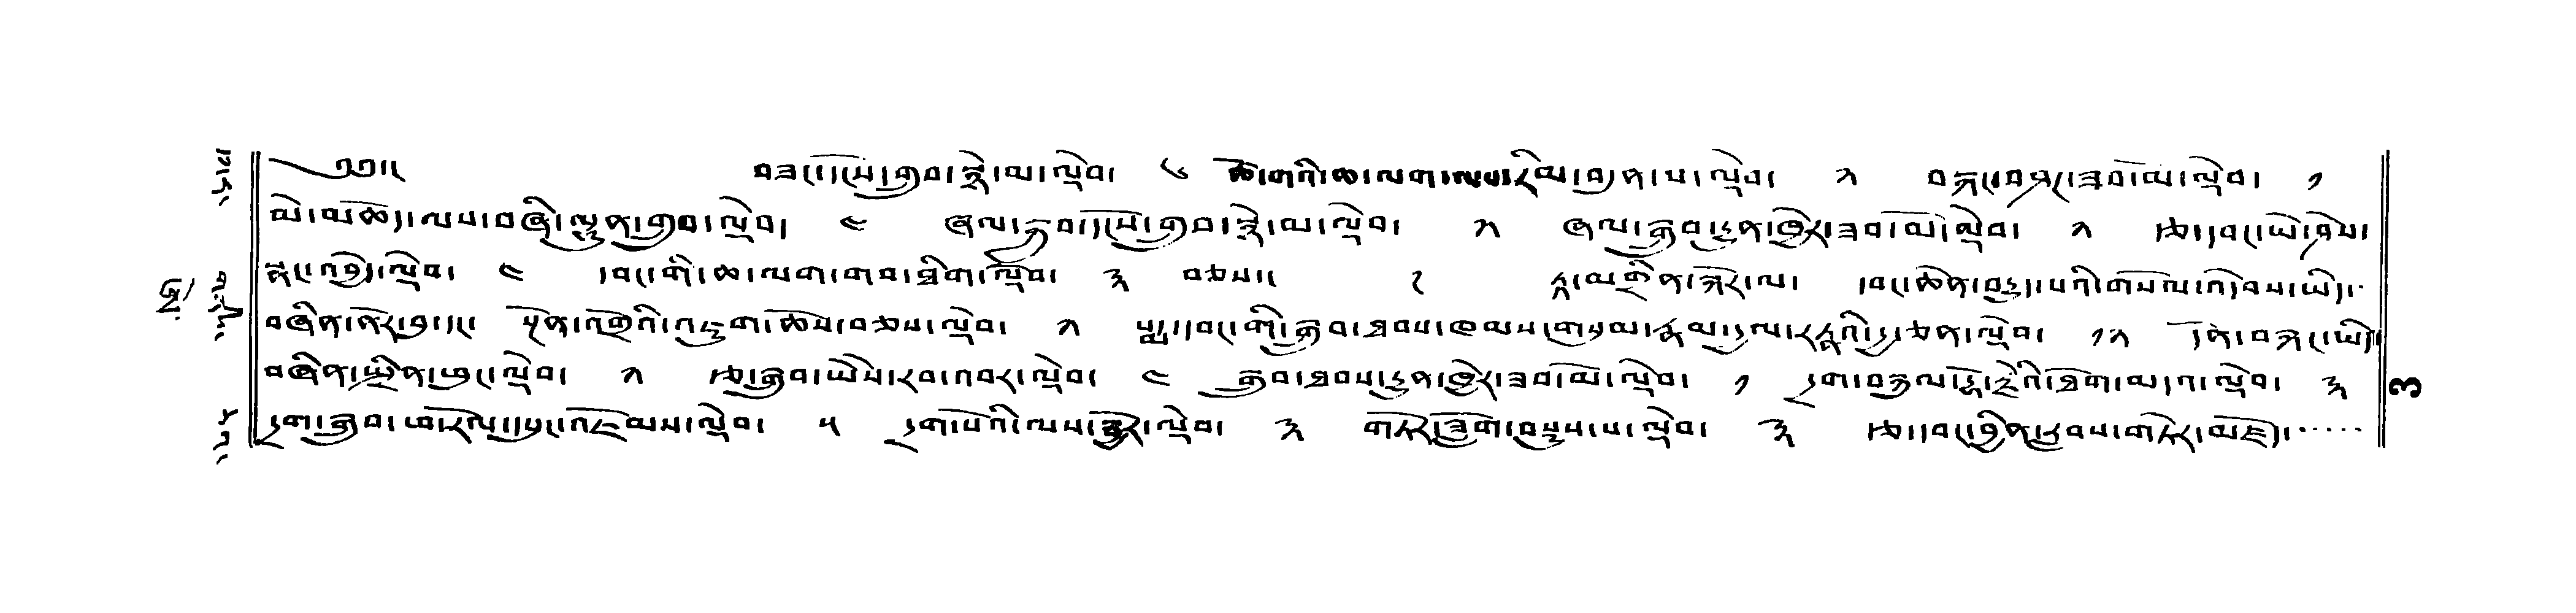བཟང་དངོས་གྲུབ་སྙེ་མ་ལྡེབ། ཆོ་གའི་ཆ་ལག་ལས་རིམ་བདུན་པ་ལྡེབ། བསྐང་བཤགས་ཟབ་མོ་ལྡེབ། 
མེ་མཆོད་ལས་བཞི་ལྷུན་གྲུབ་ལྡེབ། ཞལ་སྒྲུབ་དངོས་གྲུབ་སྙེ་མ་ལྡེབ། ཞལ་སྒྲུབ་རྒྱུན་ཁྱེར་ཟབ་མོ་ལྡེབ། རྩ་དབང་ཡེ་ཤེས་
སྣང་འབྱེད་ལྡེབ། དབང་གི་ཆ་ལག་གབ་ཐིག་ལྡེབ། བཅས། ༄། རྟ་མགྲིན་སྐོར་ལ། དབང་ཆེན་བརྒྱུད་པའི་གསོལ་འདེབས་ཡིད་
བཞིན་ནོར་བུ་དང་། སྔོན་འགྲོའི་འཇུག་ཆོས་བཅས་ལྡེབ། པདྨ་དབང་གི་སྒྲུབ་ཐབས་ཁམས་གསུམ་རྣམ་རྒྱལ་རཏྣའི་རྒྱ་ཅན་ལྡེབ། དོན་བསྐང་ཡིད་
བཞིན་སྤྲིན་ཕུང་ལྡེབ། རྩ་སྒྲུབ་ཡེ་ཤེས་རབ་འབར་ལྡེབ། སྒྲུབ་ཐབས་རྒྱུན་ཁྱེར་ཟབ་མོ་ལྡེབ། དྲག་བསྐུལ་རྡོ་རྗེའི་ཐོག་མདའ་ལྡེབ། 
དྲག་སྒྲུབ་ཕ་རོལ་དཔུང་འཇོམས་ལྡེབ། དྲག་པོའི་ལས་སྦྱོར་ལྡེབ། གཏོར་ཟློག་བསྡུས་པ་ལྡེབ། རྩ་དབང་བྱིན་རླབས་གཏེར་མཛོད་